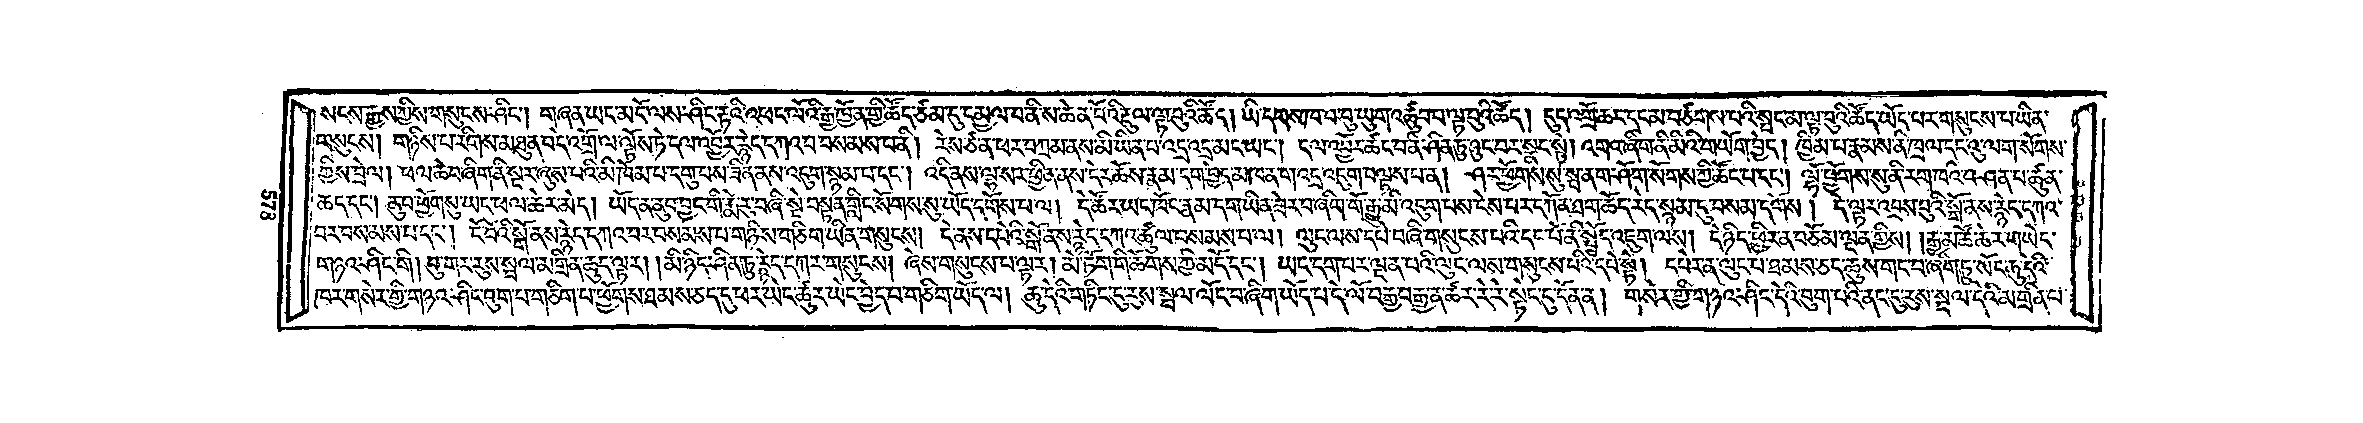སངས་རྒྱས་ཀྱིས་གསུངས་ཤིང་། གཞན་ཡང་མདོ་ལས་ཤིང་རྟའི་འཕང་ལོའི་རྒྱ་ཁྱོན་གྱི་ཚོད་ཙམ་དུ་དམྱལ་བ་ནི་ས་ཆེན་པོའི་རྡུལ་ལྟ་བུའི་ཚོད། ཡི་དགས་ཁ་བ་བུ་ཡུག་འཚུབ་པ་ལྟ་བུའི་ཚོད། དུད་འགྲོ་ཆང་དང་མ་བཙགས་པའི་སྦང་མ་ལྟ་བུའི་ཚོད་ཡོད་པར་གསུངས་པ་ཡིན་
གསུངས། གཉིས་པ་རིགས་མཐུན་བདེ་འགྲོ་ལ་ལྟོས་ཏེ་དལ་འབྱོར་རྙེད་དཀའ་བ་བསམས་པ་ནི། རེས་ཙ་ན་ཕར་བཀྲམ་ནས་མི་ཡིན་པ་འདྲ་འདྲ་མང་ཡང་། དལ་འབྱོར་ཚང་བ་ནི་ཤིན་ཏུ་ཉུང་བར་སྣང་སྟེ། འགའ་ཞིག་ནི་མིའི་གཡོག་བྱེད། ཁྱིམ་པ་རྣམས་ནི་ཁྲལ་དང་འུ་ལག་སོགས་
ཀྱིས་བྲེལ། ཕལ་ཆེ་བ་ཞིག་ནི་སྔར་ཞུས་པའི་མི་ཁོམ་པ་དགུ་པས་ཟིན་ནས་འདུག་སྙམ་པ་དང་། འདི་ནས་ལྷ་སར་ཕྱིན་ནས་དེར་ཆོས་རྣམ་དག་བྱེད་མཁན་ག་འདྲ་འདུག་བལྟས་པ་ན། ཤར་ཕྱོགས་སུ་སྦ་ནག་ཤོག་སོགས་ཀྱི་ཚོང་པ་དང་། ལྷོ་ཕྱོགས་སུ་ནི་རག་ཁའི་བཤན་པ་ཚུན་
ཆད་དང་། ནུབ་ཕྱོགས་སུ་ཡང་ཕལ་ཆེར་མེད། ཡོད་ན་ནུབ་བྱང་གི་རྨེ་རུ་བཞི་སྡེ་བསྟན་གླིང་སོགས་སུ་ཡོད་དགོས་པ་ལ། དེ་ཚོར་ཡང་ཁོང་རྣམ་དག་ཡིན་ཟེར་བ་ཞིག་གོ་རྒྱུ་མི་འདུག་པས་ངེས་པར་དཀོན་ཐག་ཆོད་རེད་སྙམ་དུ་བསམ་དགོས། དེ་ལྟར་འབྲས་བུའི་སྒོ་ནས་རྙེད་དཀའ་
བར་བསམས་པ་དང་། ངོ་བོའི་སྒོ་ནས་རྙེད་དཀའ་བར་བསམས་པ་གཉིས་གཅིག་ཡིན་གསུངས། དེ་ནས་དཔེའི་སྒོ་ནས་རྙེད་དཀའ་ཚུལ་བསམས་པ་ལ། ལུང་ལས་དཔེ་བཞི་གསུངས་པའི་དང་པོ་ནི་སྤྱོད་འཇུག་ལས། དེ་ཉིད་ཕྱིར་ན་བཅོམ་ལྡན་གྱིས། །རྒྱ་མཚོ་ཆེར་གཡེང་
གཉའ་ཤིང་གི །བུ་གར་རུས་སྦལ་མགྲིན་ཆུད་ལྟར། །མི་ཉིད་ཤིན་ཏུ་རྙེད་དཀར་གསུངས། ཞེས་གསུངས་པ་ལྟར། མེ་ཏོག་གི་ཚོགས་ཀྱི་མདོ་དང་། ཡང་དག་པར་ལྡན་པའི་ལུང་ལས་གསུངས་པའི་དཔེ་སྟེ། དཔེར་ན་ལུང་པ་ཐམས་ཅད་ཆུས་གང་བ་ཞིག་ཏུ་སོང་ཆུ་དེའི་
ཁར་གསེར་གྱི་གཉའ་ཤིང་བུག་པ་གཅིག་པ་ཕྱོགས་ཐམས་ཅད་དུ་ཕར་ཡེང་ཚུར་ཡེང་བྱེད་པ་གཅིག་ཡོད་ལ། ཆུ་དེའི་གཏིང་དུ་རུས་སྦལ་ལོང་བ་ཞིག་ཡོད་པ་དེ་ལོ་བརྒྱ་བརྒྱ་ན་ཚར་རེ་རེ་སྟེང་དུ་དོན་ན། གསེར་གྱི་གཉའ་ཤིང་དེའི་བུག་པའི་ནང་དུ་རུས་སྦལ་དེའི་མགྲིན་པ་